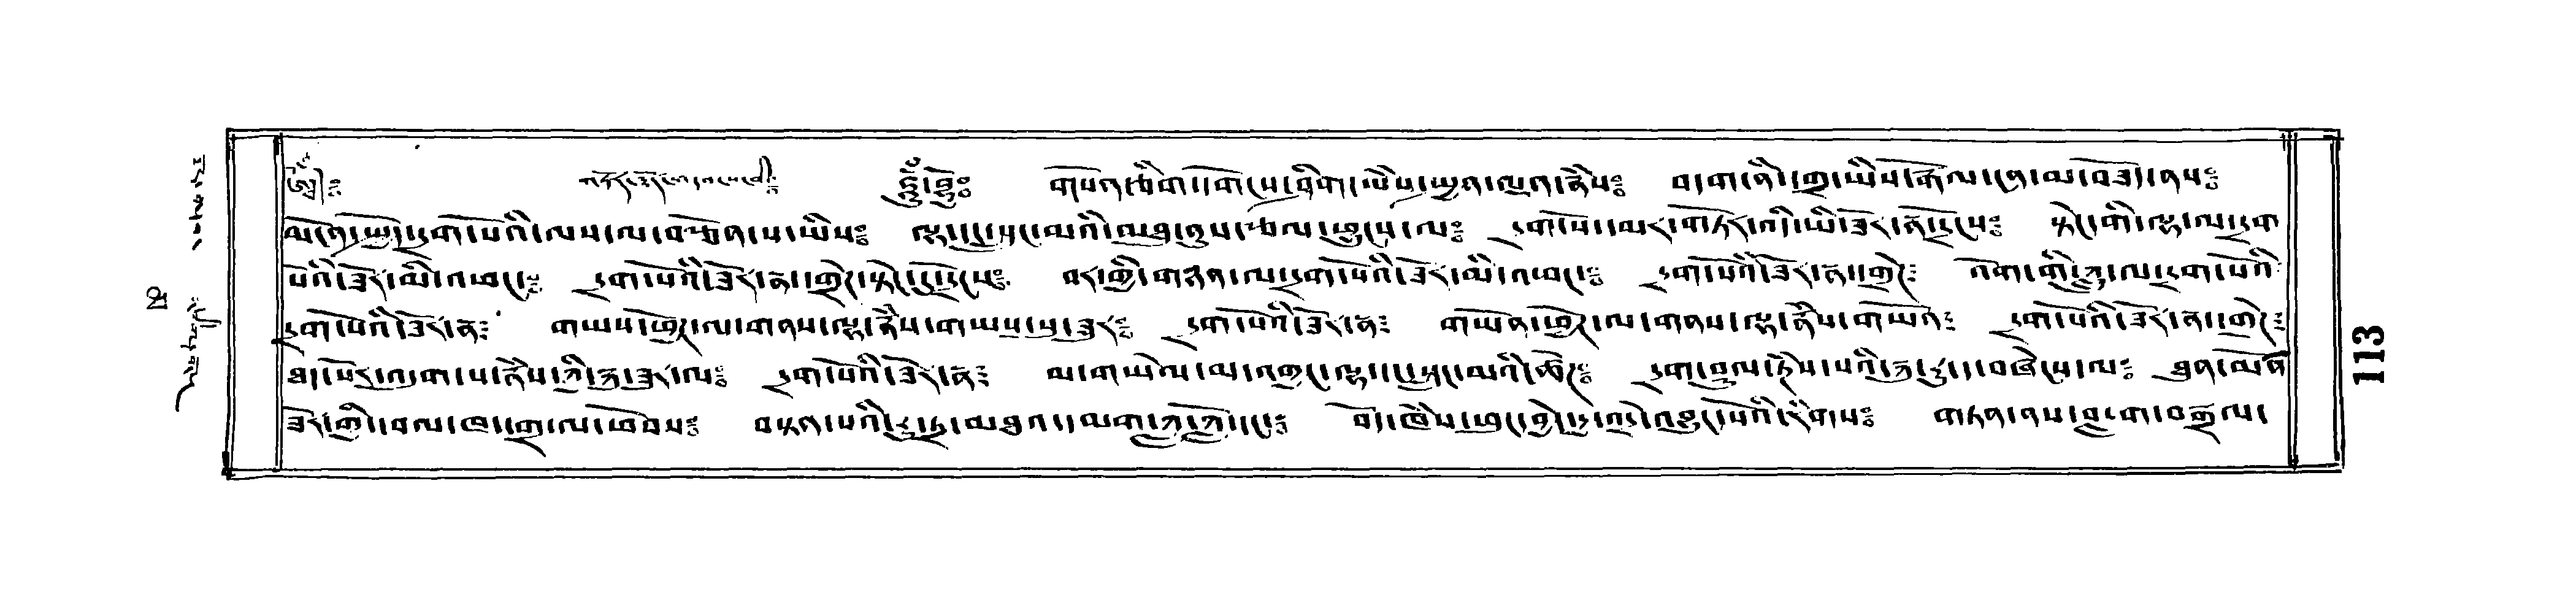གཏོར་ཟོར་གདབ་པ་ནི༔ ཧཱུྃ་བྷྱོ༔ གསོན་ཅིག་དགོངས་ཤིག་ཡེ་ཤེས་སྤྱན་ལྡན་རྣམས༔ བདག་ནི་དགྲ་ཡིས་རྒོལ་ངན་མ་བཟོད་ནས༔ 
མངོན་སྤྱོད་དྲག་པོའི་ལས་ལ་བརྩོན་པ་ཡིས༔ ལྷ་དང་སྲུང་མའི་མཐུ་ནུས་རྩལ་ཕྱུངས་ལ༔ དྲག་པོ་དམར་གཏོར་འདི་ཡི་ཟོར་སྣ་དྲོངས༔ སྟེང་གི་ལྷ་ལ་དྲག་
པོའི་ཟོར་མི་འཕང༔ དྲག་པོའི་ཟོར་སྣ་དགྲ་བགེགས་སྟེང་དུ་དྲོངས༔ བར་གྱི་གཉན་ལ་དྲག་པོའི་ཟོར་མི་འཕང༔ དྲག་པོའི་ཟོར་སྣ་དགྲེགས༴ འོག་གི་ཀླུ་ལ་དྲག་པོའི༴ 
དྲག་པོའི་ཟོར་སྣ༴ གཡས་ཕྱོགས་ལ་གནས་ལྷ་རྣམས་གཡས་སུ་ཟུར༔ དྲག་པོའི་ཟོར་སྣ༴ གཡོན་ཕྱོགས་ལ་གནས་ལྷ་རྣམས་གཡོན༴ དྲག་པོའི་ཟོར་སྣ་དགྲེགས༴ 
ཐད་སོར་འདུག་པ་རྣམས་ཀྱི་སྐུ་ཟུར་ལ༔ དྲག་པོའི་ཟོར་སྣ༴ མ་གཡེལ་མ་འགྱང་ལྷ་དང་སྲུང་མའི་ཚོགས༔ དྲག་ཤུལ་རྔམས་པའི་སྐུ་རུ་ད་བཞེངས་ལ༔ ཐུན་མཚོན་
ཟོར་གྱི་བལ་ཁ་དགྲ་ལ་ཕོབས༔ བསྟན་པའི་རུ་ཏྲ་མཐའ་དམག་ཀླ་ཀློ་དང༔ བོད་ཁམས་ཕུང་བྱེད་རྒྱ་འདྲེ་འབྱུང་པོའི་རིགས༔ གཏན་ནས་བརླག་བསྒྲལ་